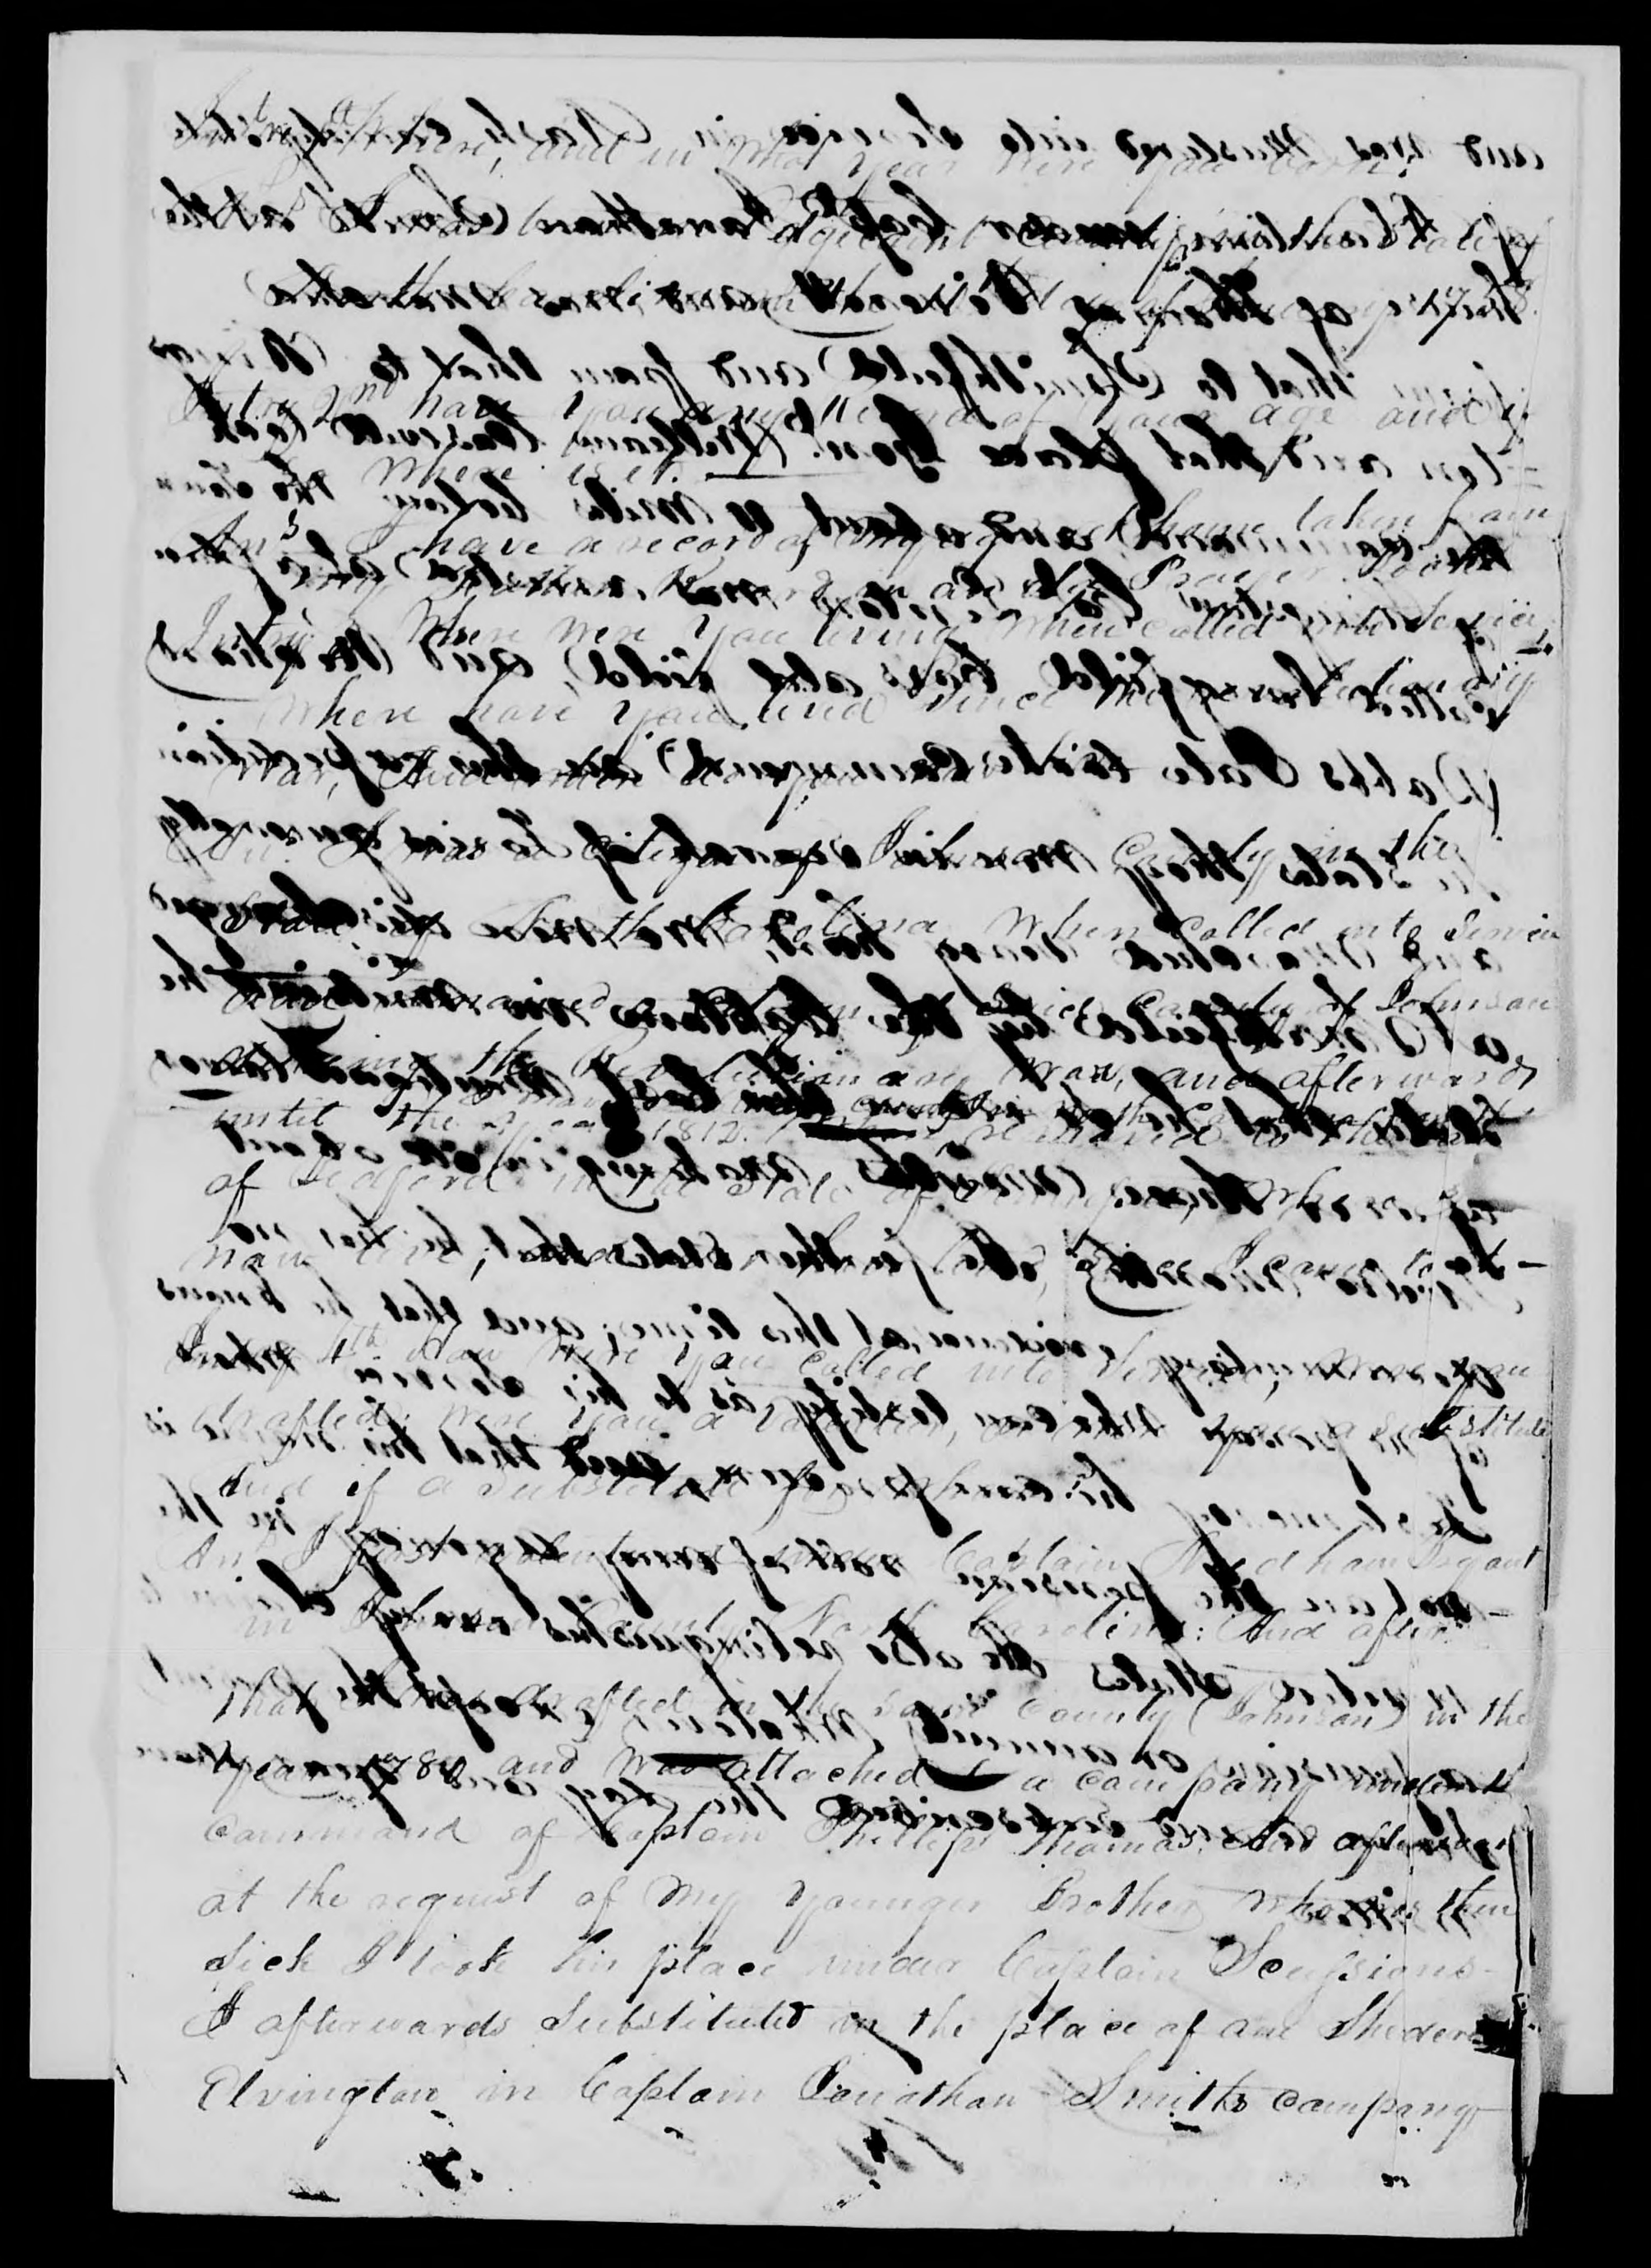Interrogatory 1st-where, and in what year were you born? [illegible] against [illegible] 
Interrogatory 2nd -Have you any record of your age and if so where is it? Answer-I have a record of my age which I have taken from [illegible]. 
Interrogatory 3rd-Where were you living when called into Service? Where have you lived since the Revolutionary War, and where do you low live? Answer-I was a citizen of Johnson County in the state of North Carolina when called into service [illegible] and remained in the said county of Johnson during the Revolutionary War and afterwards until the year 1812 when I removed to the town of Bedford in the State of Pennsylvania where I now live.
Interrogatory 4th-How were you called into service, were you drafted; were you a Volunteer, or were you a Substitute and if a substitute for whom?Answer-I first volunteered under Captain Needham Bryant in Johnson County North Carolina. And after that I was drafted in the said County (Johnson) in the year 1780 and was attached to a company under command of Captain Phillip Thomas, and afterward at the request of my younger brother who was then sick I took his place under Captain Seassions- I afterwards substituted in the place of of one Steven Elvington  in Captain Jonathan Smiths company.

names: Phillip Thomas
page: 8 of 33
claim: widow's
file: W. 52, for Randolph Moore, North Carolina